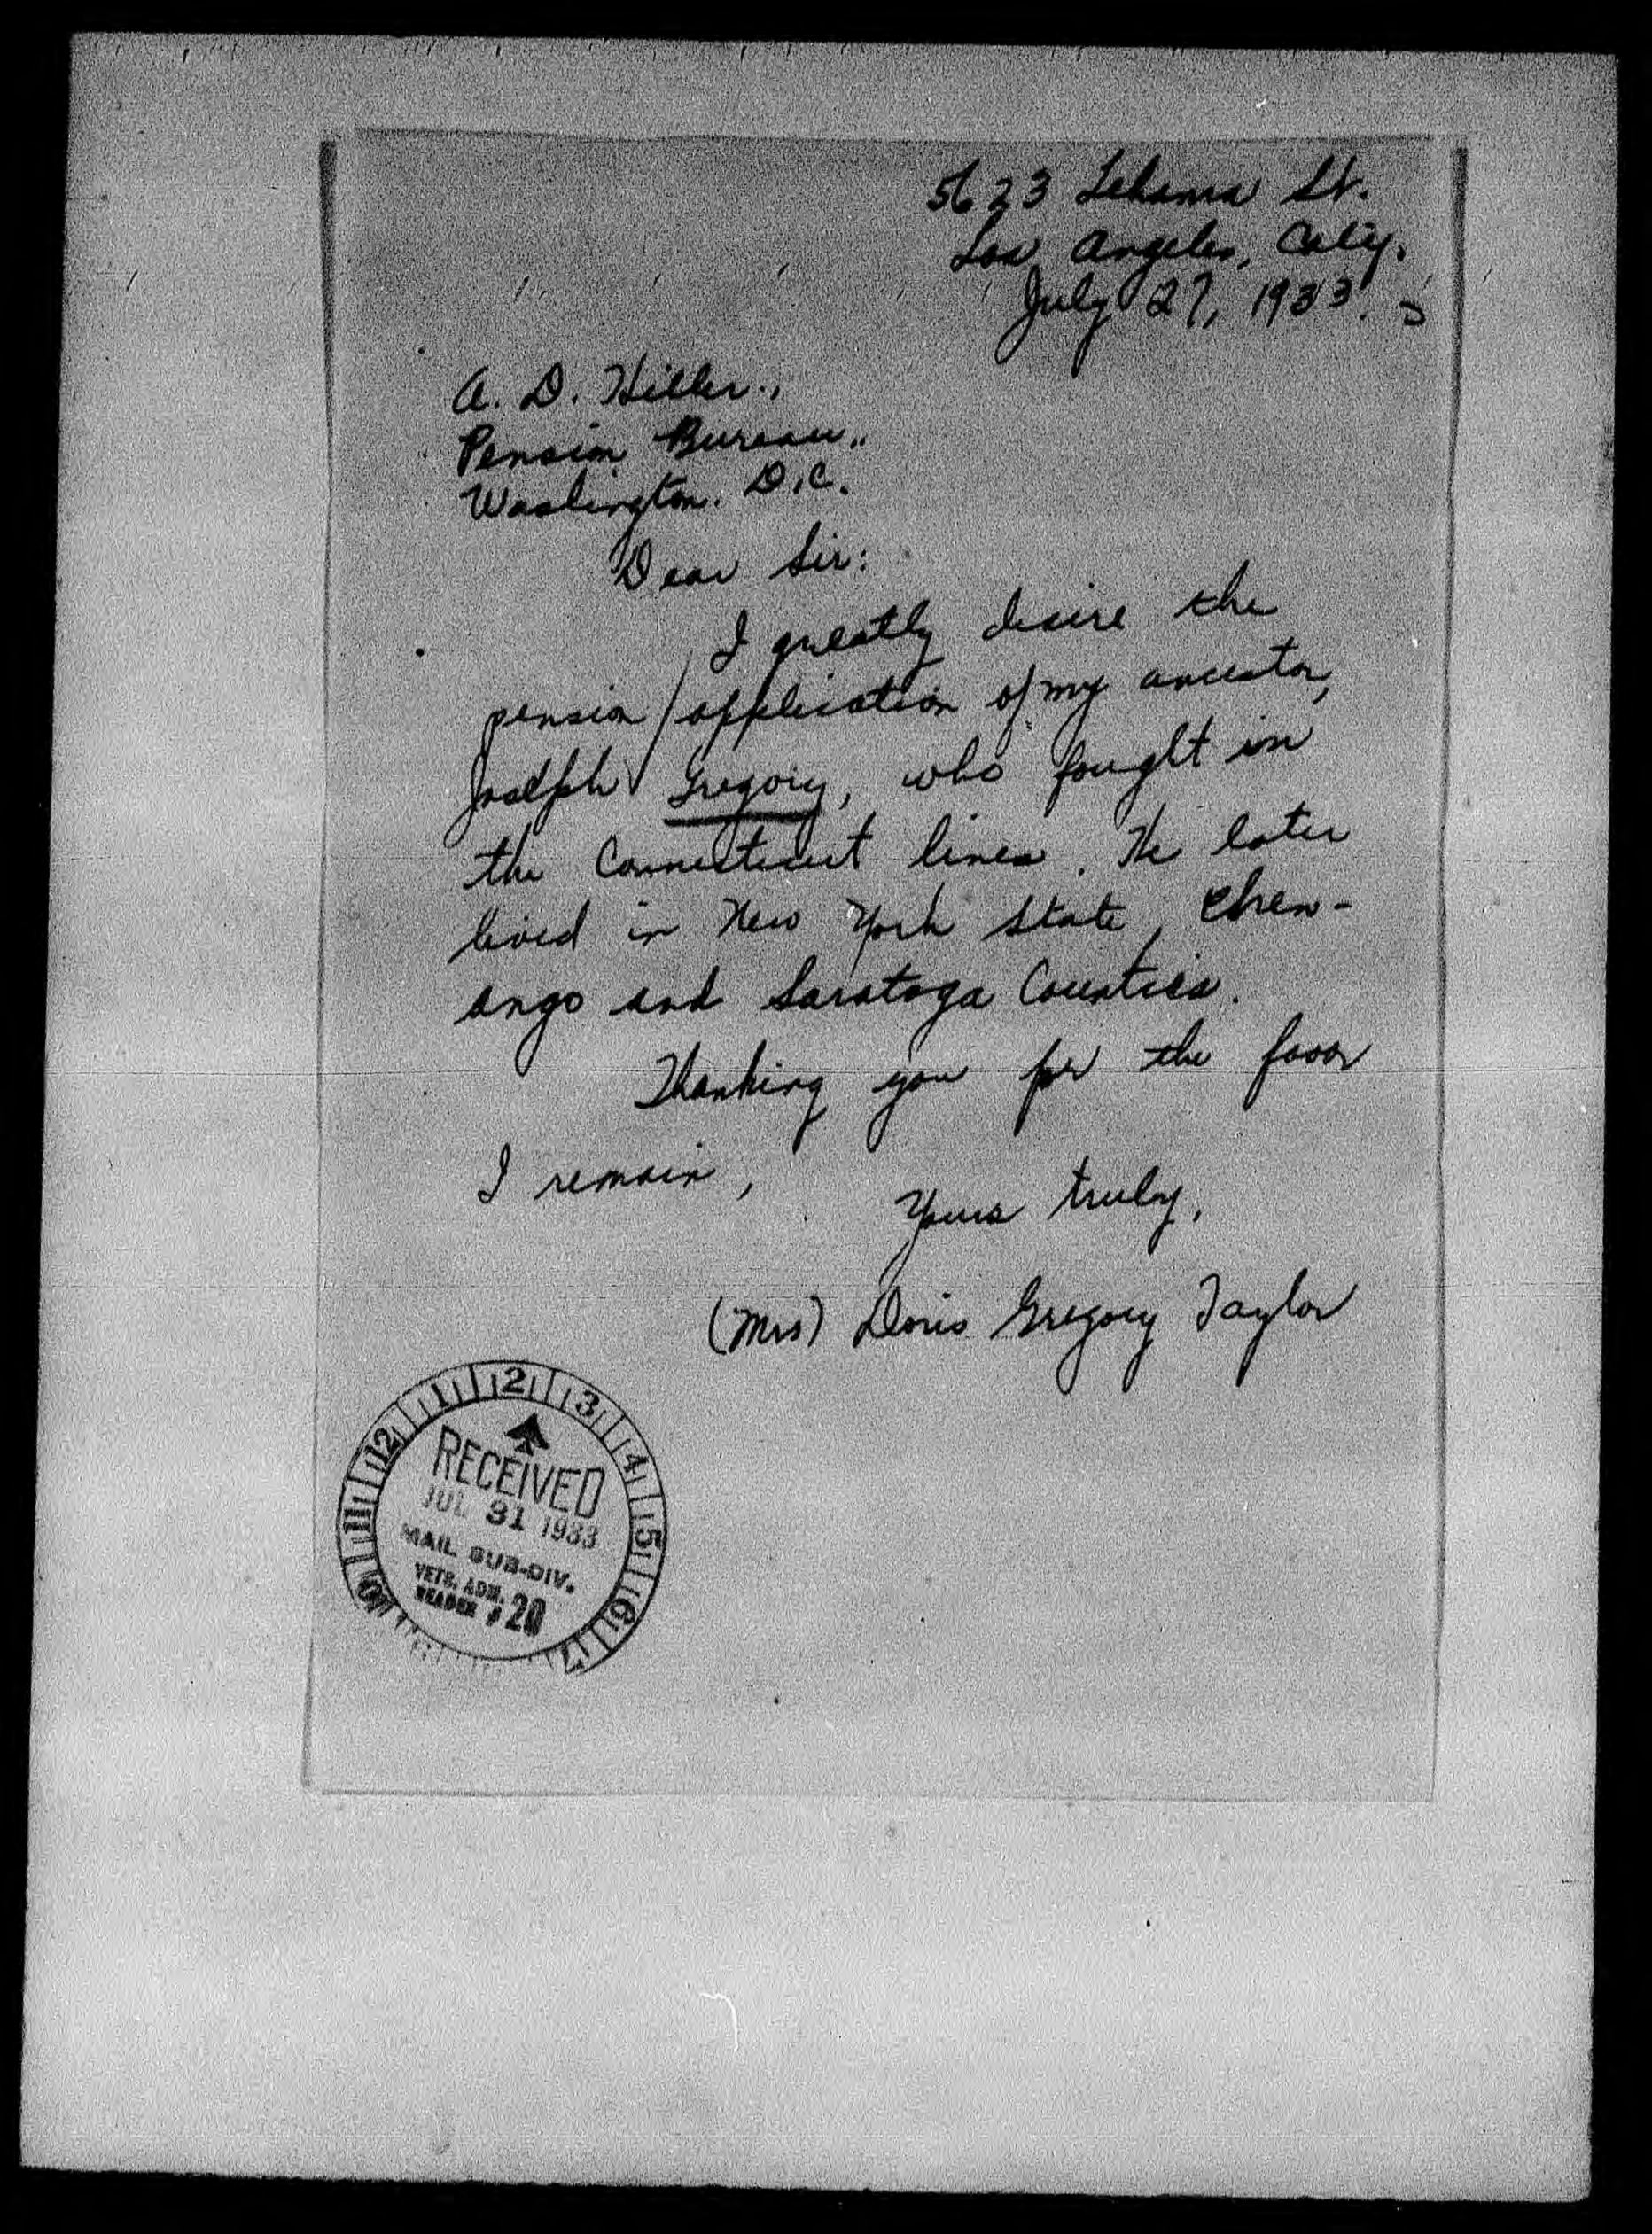5623 Lehams St.
                                            Los Angeles, Calif.
                                                  July 27, 1922.

A.D. Hiller.
Pension Bureau,
Washington, D.C.

         Dear Sir:

               I greatly desire the pension/application of my ancestor, Joseph Gregory [last name underlined], who fought in the Connecticut lines.  He later lived in New York State, then Chenango and Saratoga Counties.

                  Thanking you for the favor
 I remain,
                                     Yours truly,
                              (Mrs) Doris Gregory Taylor

[Stamp lower left]
   RECEIVED
JUL 31, 1933
MAIL SUB-DIV.
   VETS. ADM
 READER # 20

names: Doris Gregory Taylor, A D Hiller, Joseph Gregory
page: 13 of 34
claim: widow's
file: W. 1596, Joseph Gregory, Conn.